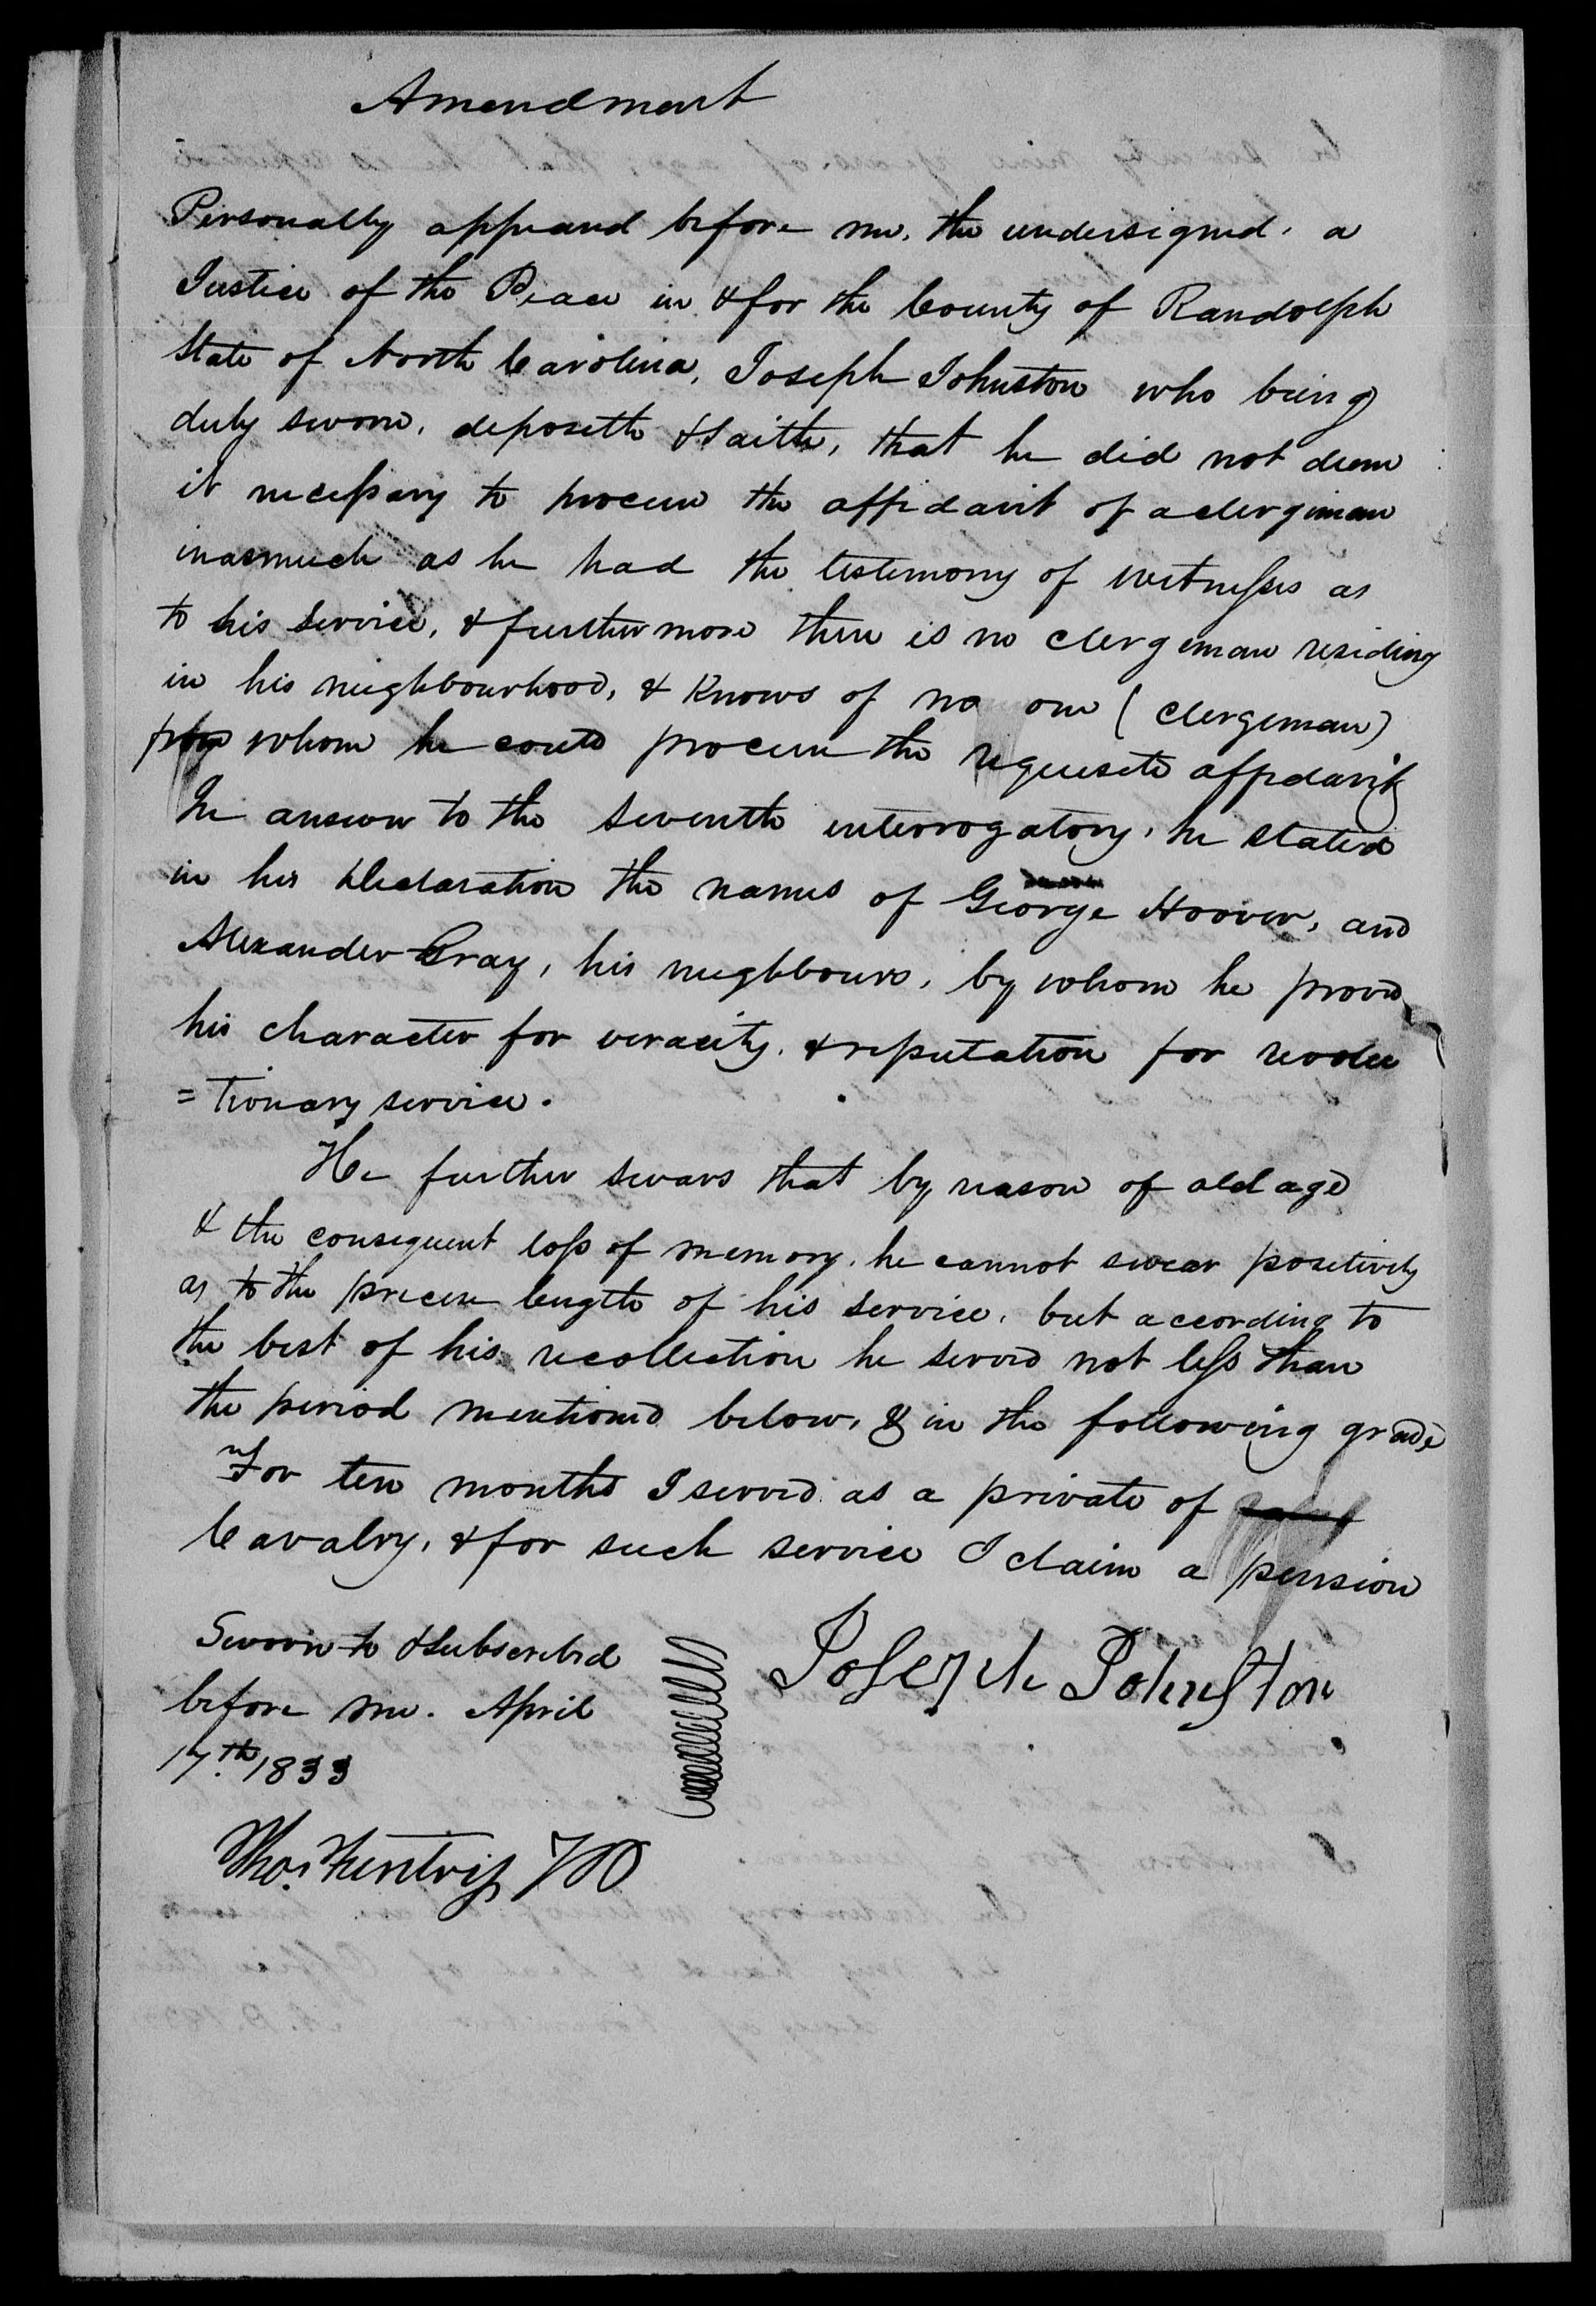Amendment 

Personally appeared before me, the undersigned, a Justice of the Peace in & for the County of Randolph State of North Carolina, Joseph Johnston who being duly sworn, deposeth & saith, that he did not deem it necessary to procure the affidavit of a clergyman inasmuch as he had the testimony of witnesses as to his service, & furthermore there is no clergyman residing in his neighborhood, & knows of no one (clergyman) from whom he could procure the requisite affidavit. In answer to the seventh interrogatory, he stated in his Declaration the names of George Hoover, and Alexander Gray, his neighbors, by whom he proved his character for veracity & reputation for revolutionary service. 
He further swears that by reason of old age & the consequent loss of memory, he cannot swear positively as to the precise length of his service, but according to the best of his recollection he served not less than the period mentioned below, & in the following grade For ten months I served as a private of Cavalry, & for such service I claim a pension 
Sworn to & subscribed before me April 17th, 1833} 
[Signed] Joseph Johnston
Thos. Fentress, JP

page: 15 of 41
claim: widow's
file: W. 5033, for Joseph Johnston, North Carolina